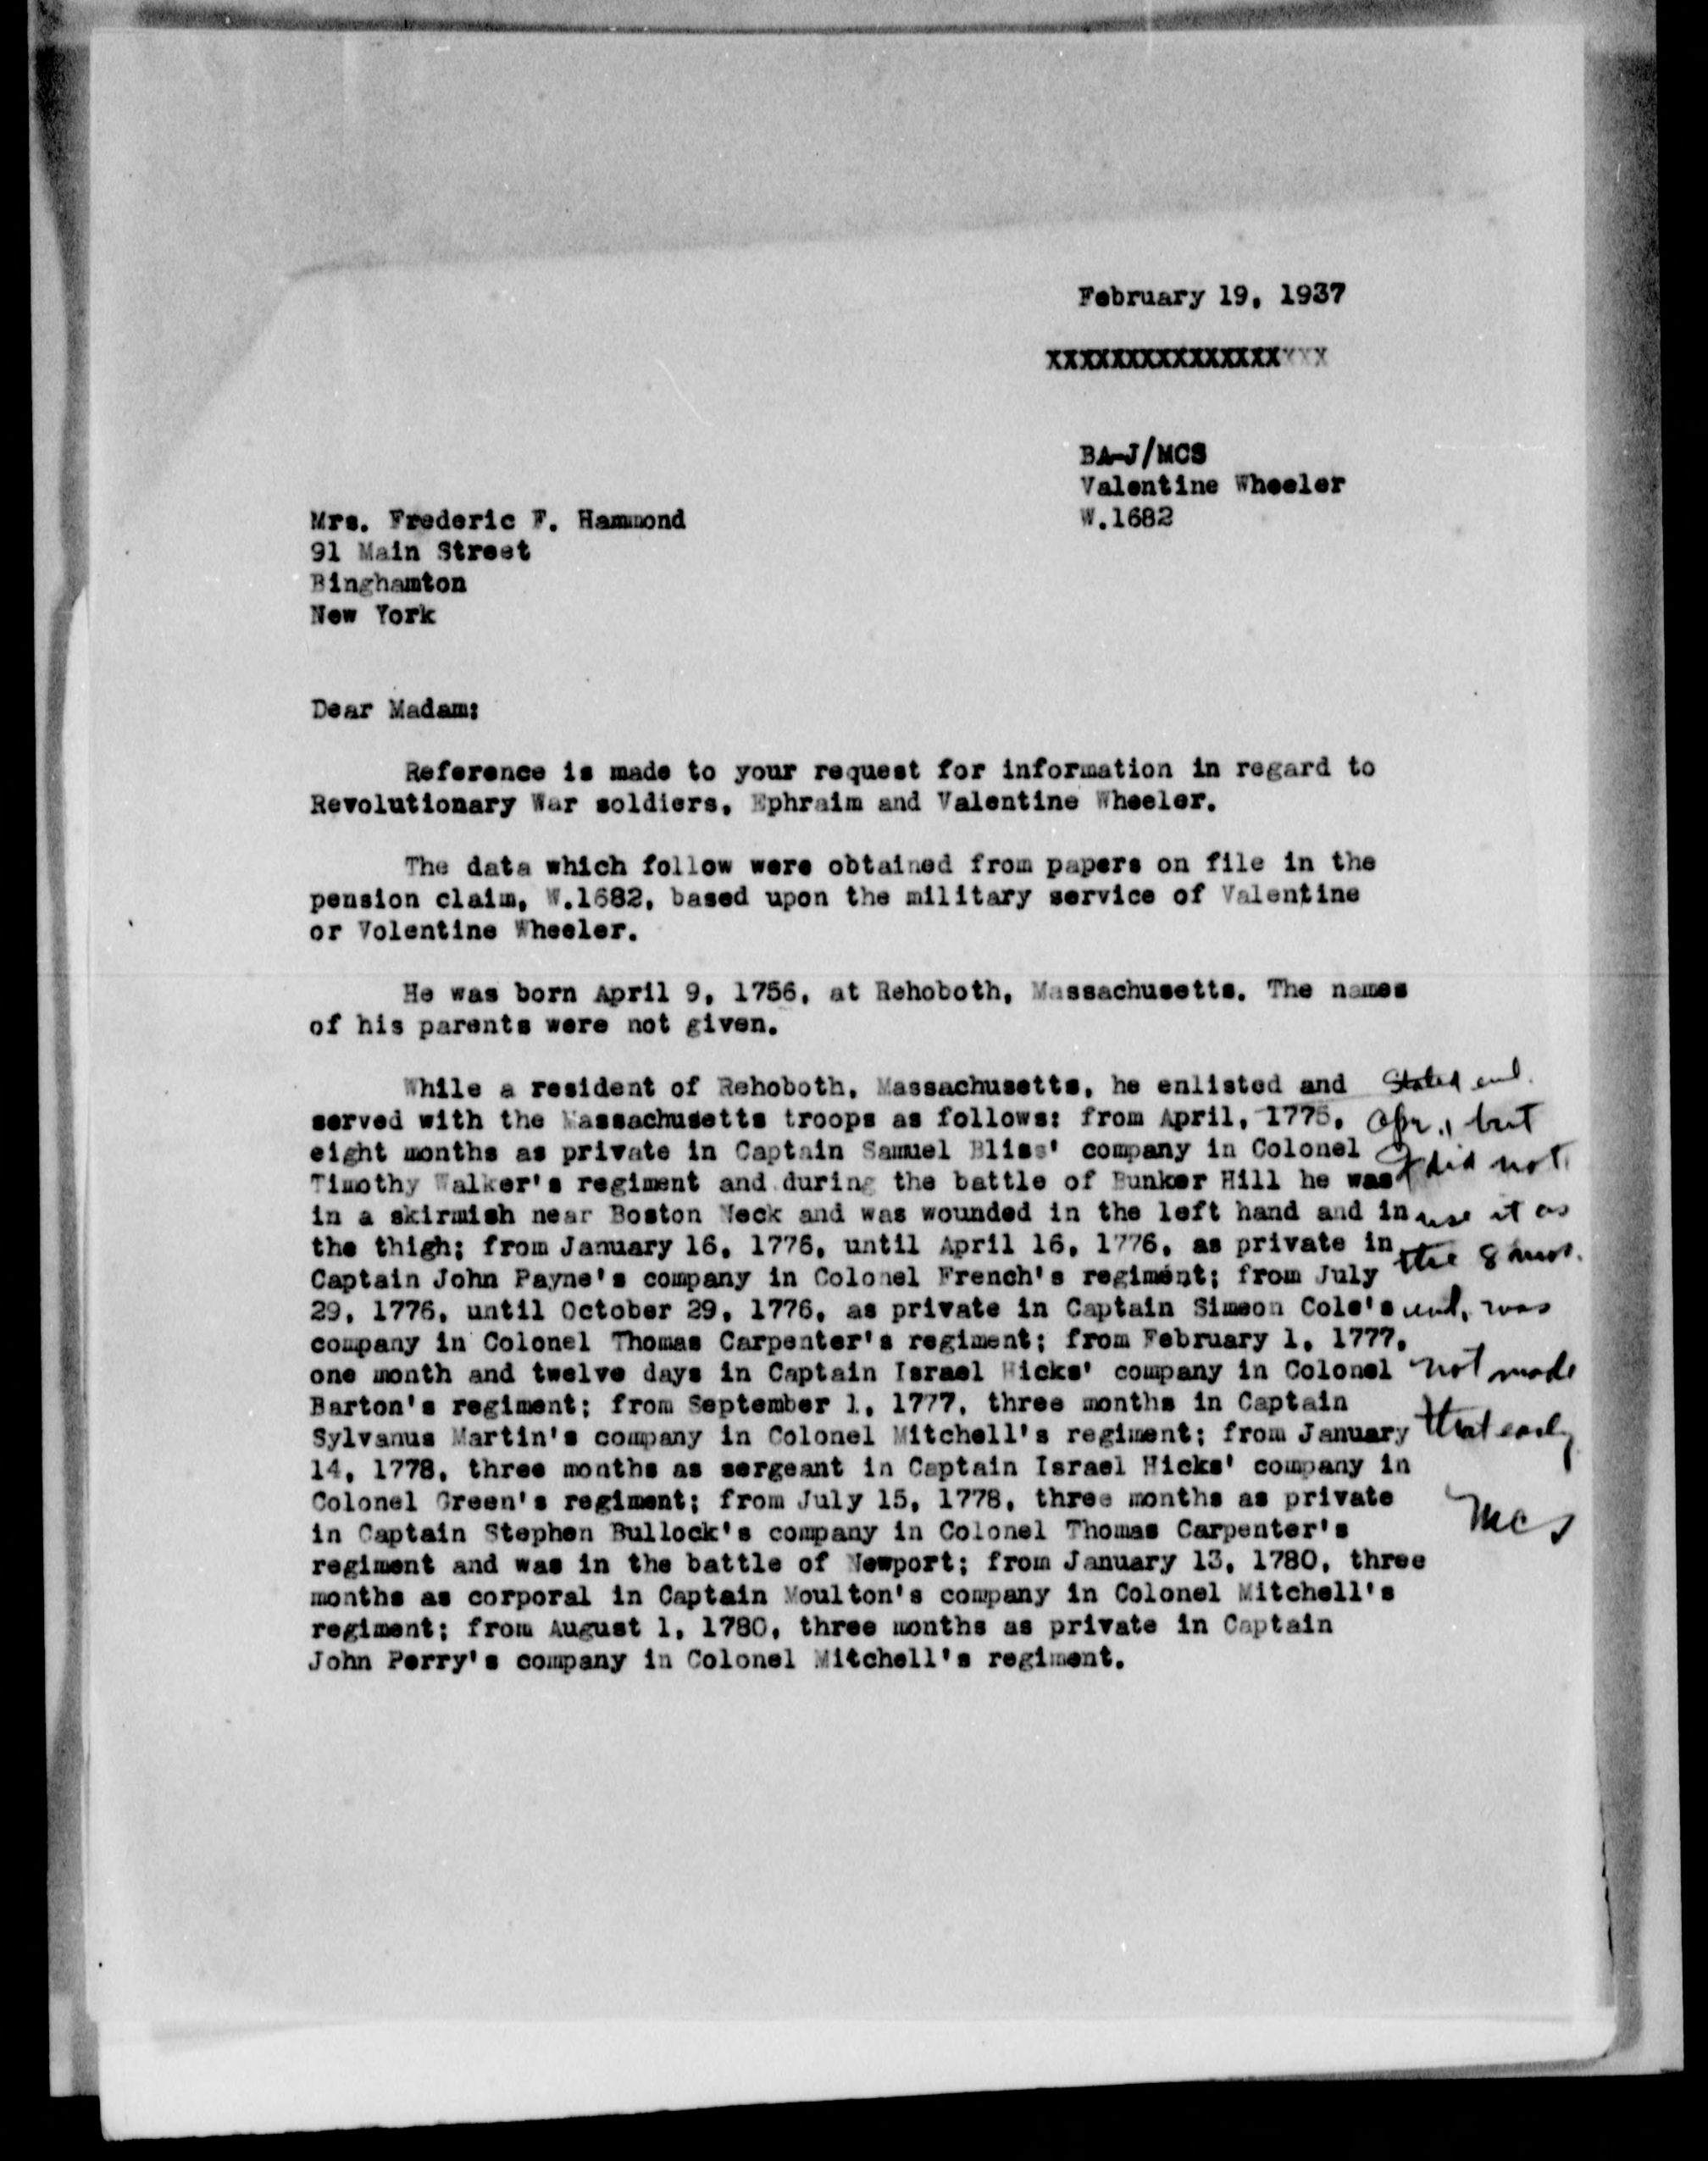February 19,1937
BA-J/MCS
Valentine Wheeler
W.1682

Mrs. Frederic F. Hammond
91 Main Street
Binghamton, New York

Dear Madam:
Reference is made to your request for information in regard to Revolutionary War soldiers Ephraim and Valentine Wheeler.
The data which follows were obtained from papers on file in the pension claim of W.1682 based upon the military service of Valentine or Volentine Wheeler.
He was born April 9, 1756, at Rehoboth, Massachusetts. The names of his parents were not given.
While a resident of Rehoboth, Massachusetts, he enlisted and served with the Massachusetts troops as follows: [noted in margin: "stated enl. Apr. 1 but did not use it as the 8 mos. enl. was not made that early, MCS] from April, 1775, eight months as private in Captain Samuel Bliss' company in Colonel Timothy Walker's regiment and during the battle of Bunker Hill he was in a skirmish near Boston Neck and was wounded in the left hand and in the thigh; from January 16, 1776, until April 16, 1776, as private in Captain John Payne's company in Colonel French's regiment; from July 19, 1776, until October 29, 1776, as private in Captain Simeon Cole's company in Colonel Thomas Carpenter's regiment; from February 1, 1777, one month and twelve days in Captain Israel Hicks' company in Colonel Baron's regiment; from Sept. 1, 1777, three months in Captain Sylvanus Martin's company in Colonel Mitchell's regiment; from January 14, 1778, three months as sergeant in Captain Israel Hick's company in Colonel Green's regiment; from July 15, 1778, three months as private in Captain Stephen Bullock's company in Colonel Thomas Carpenter's regiment and was in the battle of Newport; from January 13, 1780, three months as corporal in Captain Moulton's company in Colonel Mitchell's regiment; from August 1, 1780, three months as private in Captain John Perry's company in Colonel Mitchell's regiment.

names: Frederic F Hammond, Ephraim Wheeler, Volentine Wheeler, Valentine Wheeler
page: 43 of 98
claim: widow's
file: W. 1682, Valentine Wheeler, Mass.